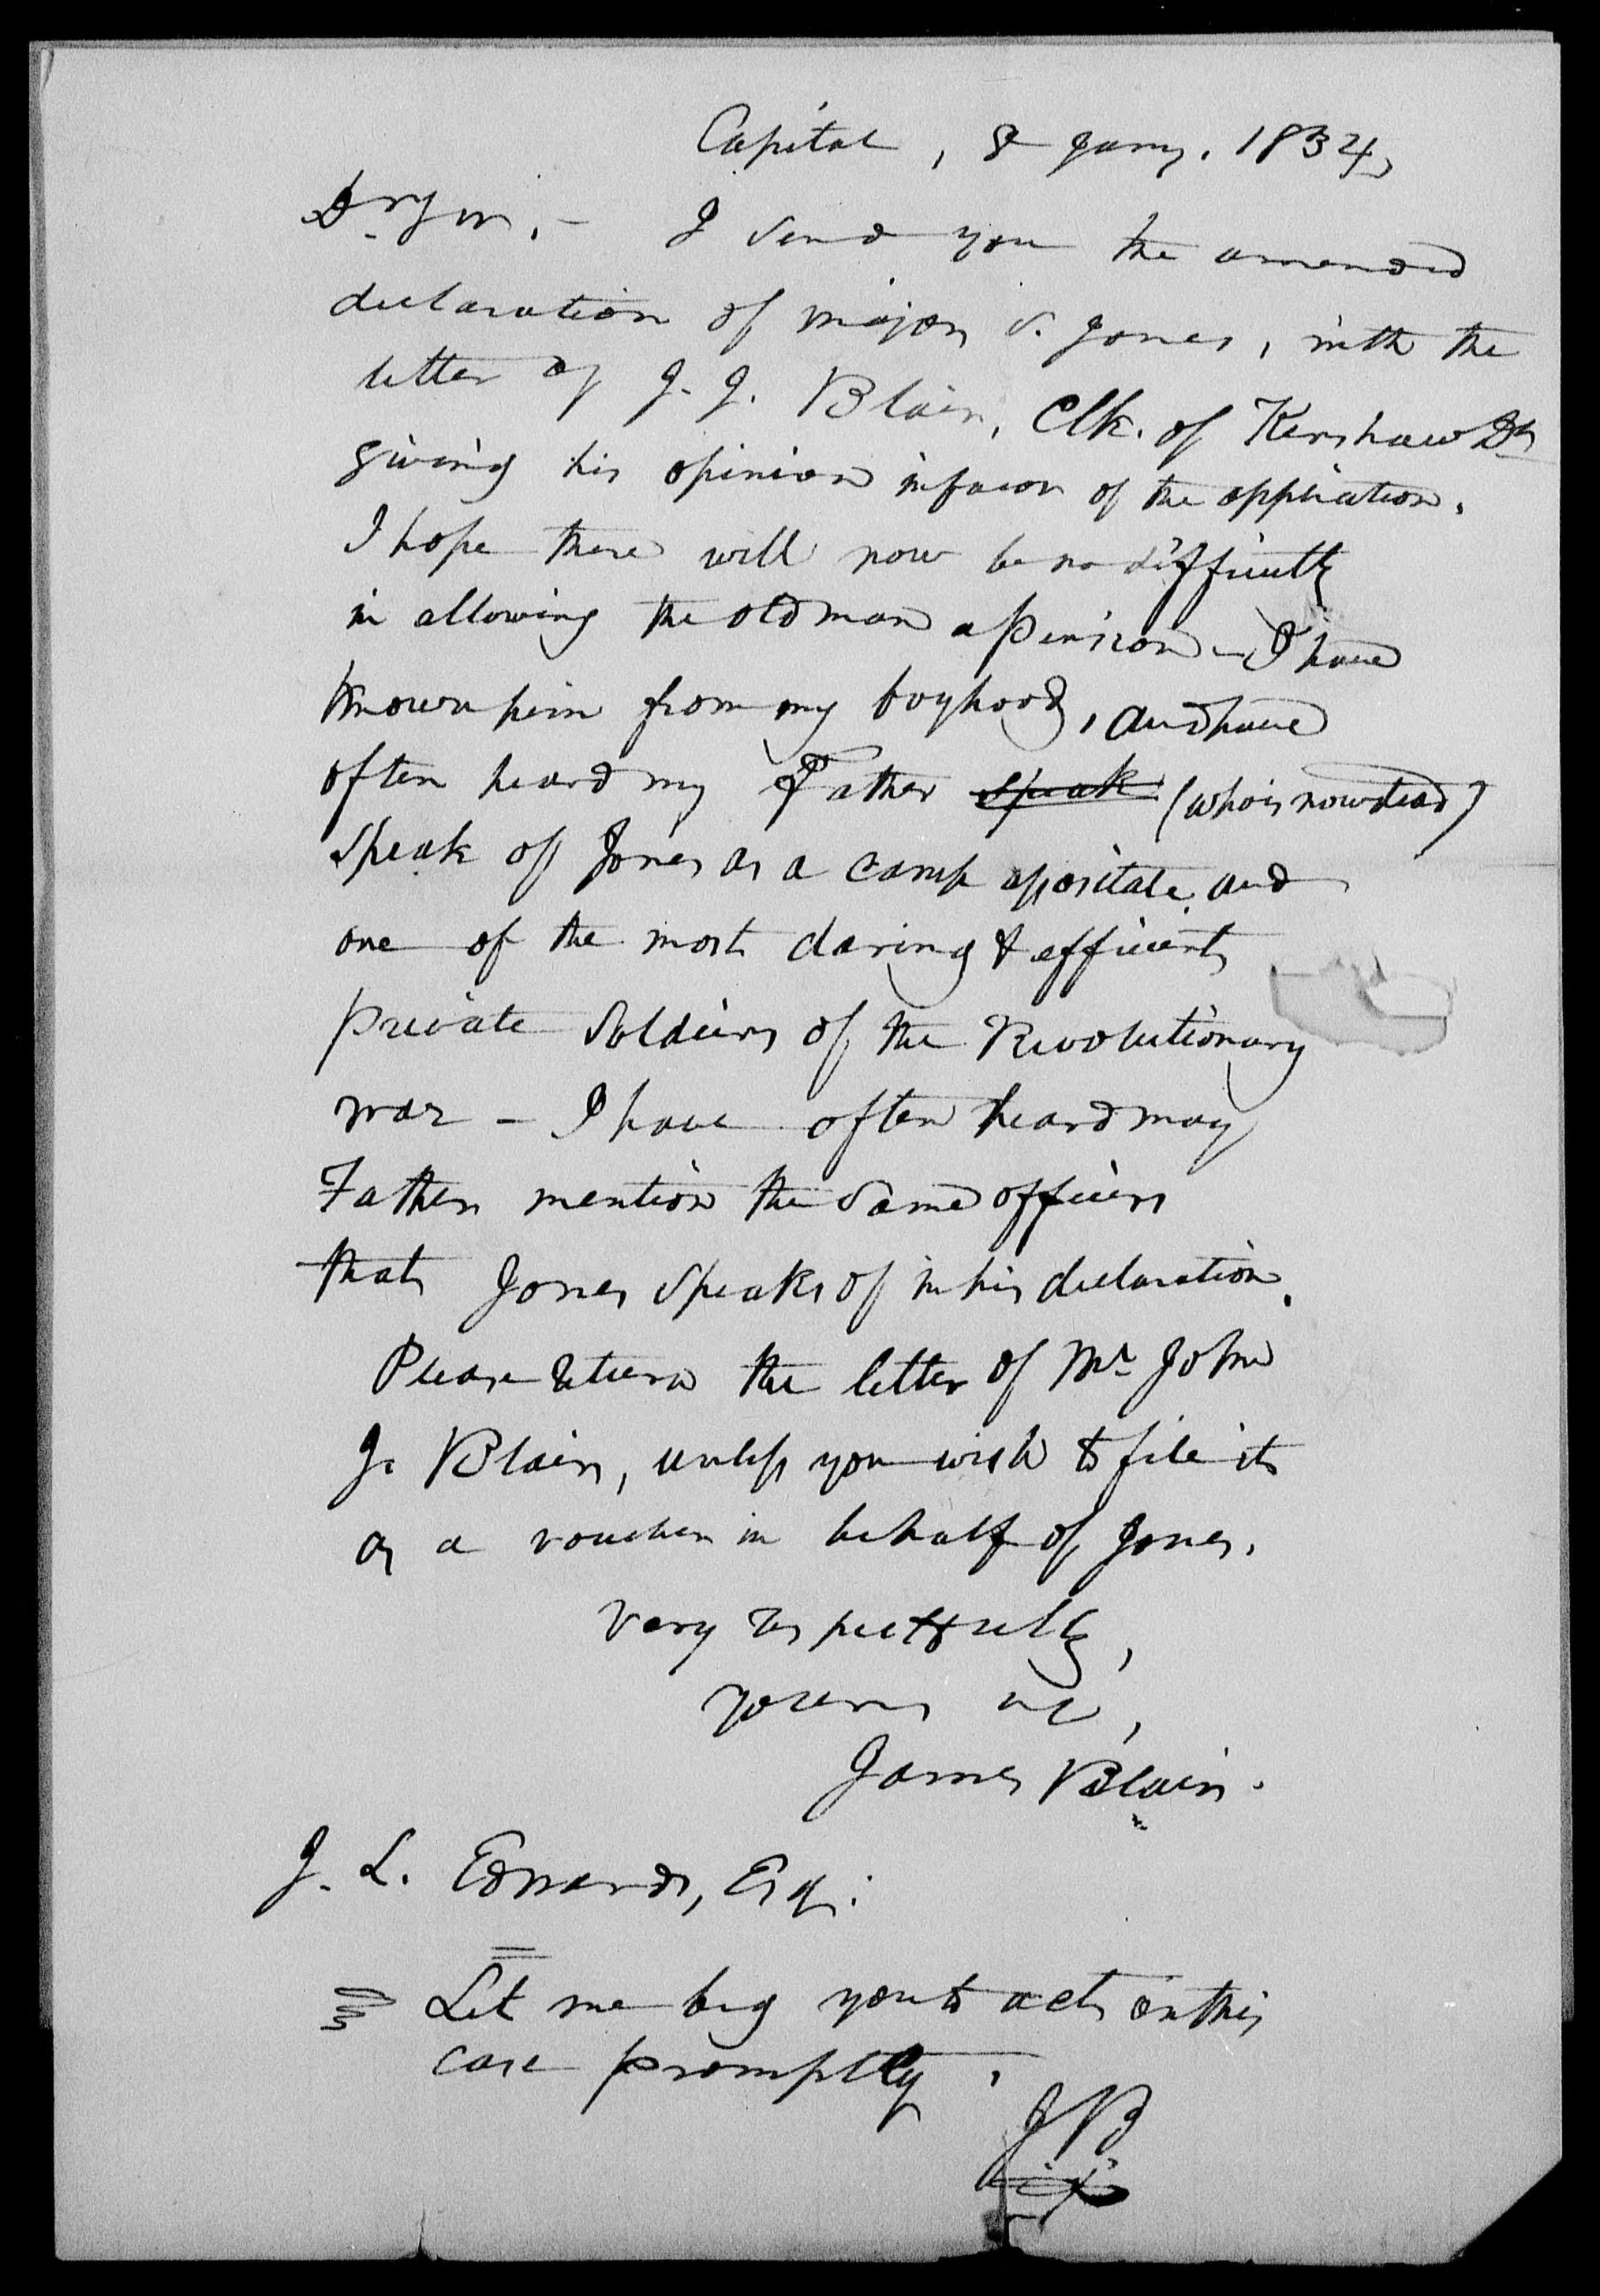Capital 8 Jany. 1834, 
[illegible] I send you the amended declaration of Major S. Jones, with the letter of J.J. Blair, Clk of Kershaw D giving his opinion in favor of the application, I hope there will now be no difficulty in allowing the old man a pension. I have known him from my boyhood, and have often heard my father (who is now dead) speak of Jones as a compassionate and one of the most daring & efficient private Soldiers of the Revolutionary War - I have often heard may Father mention the same officers that Jones Speaks of in his declaration Please return the letter of Mr John J. Blain, unless you wish to file it or a voucher in behalf of Jones, Very Respectfully yours to James Blain 
J. L. Edwards, Esq. Let me beg you to act on this case promptly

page: 14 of 28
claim: survivor's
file: S. 21844, for Samuel Jones, South Carolina